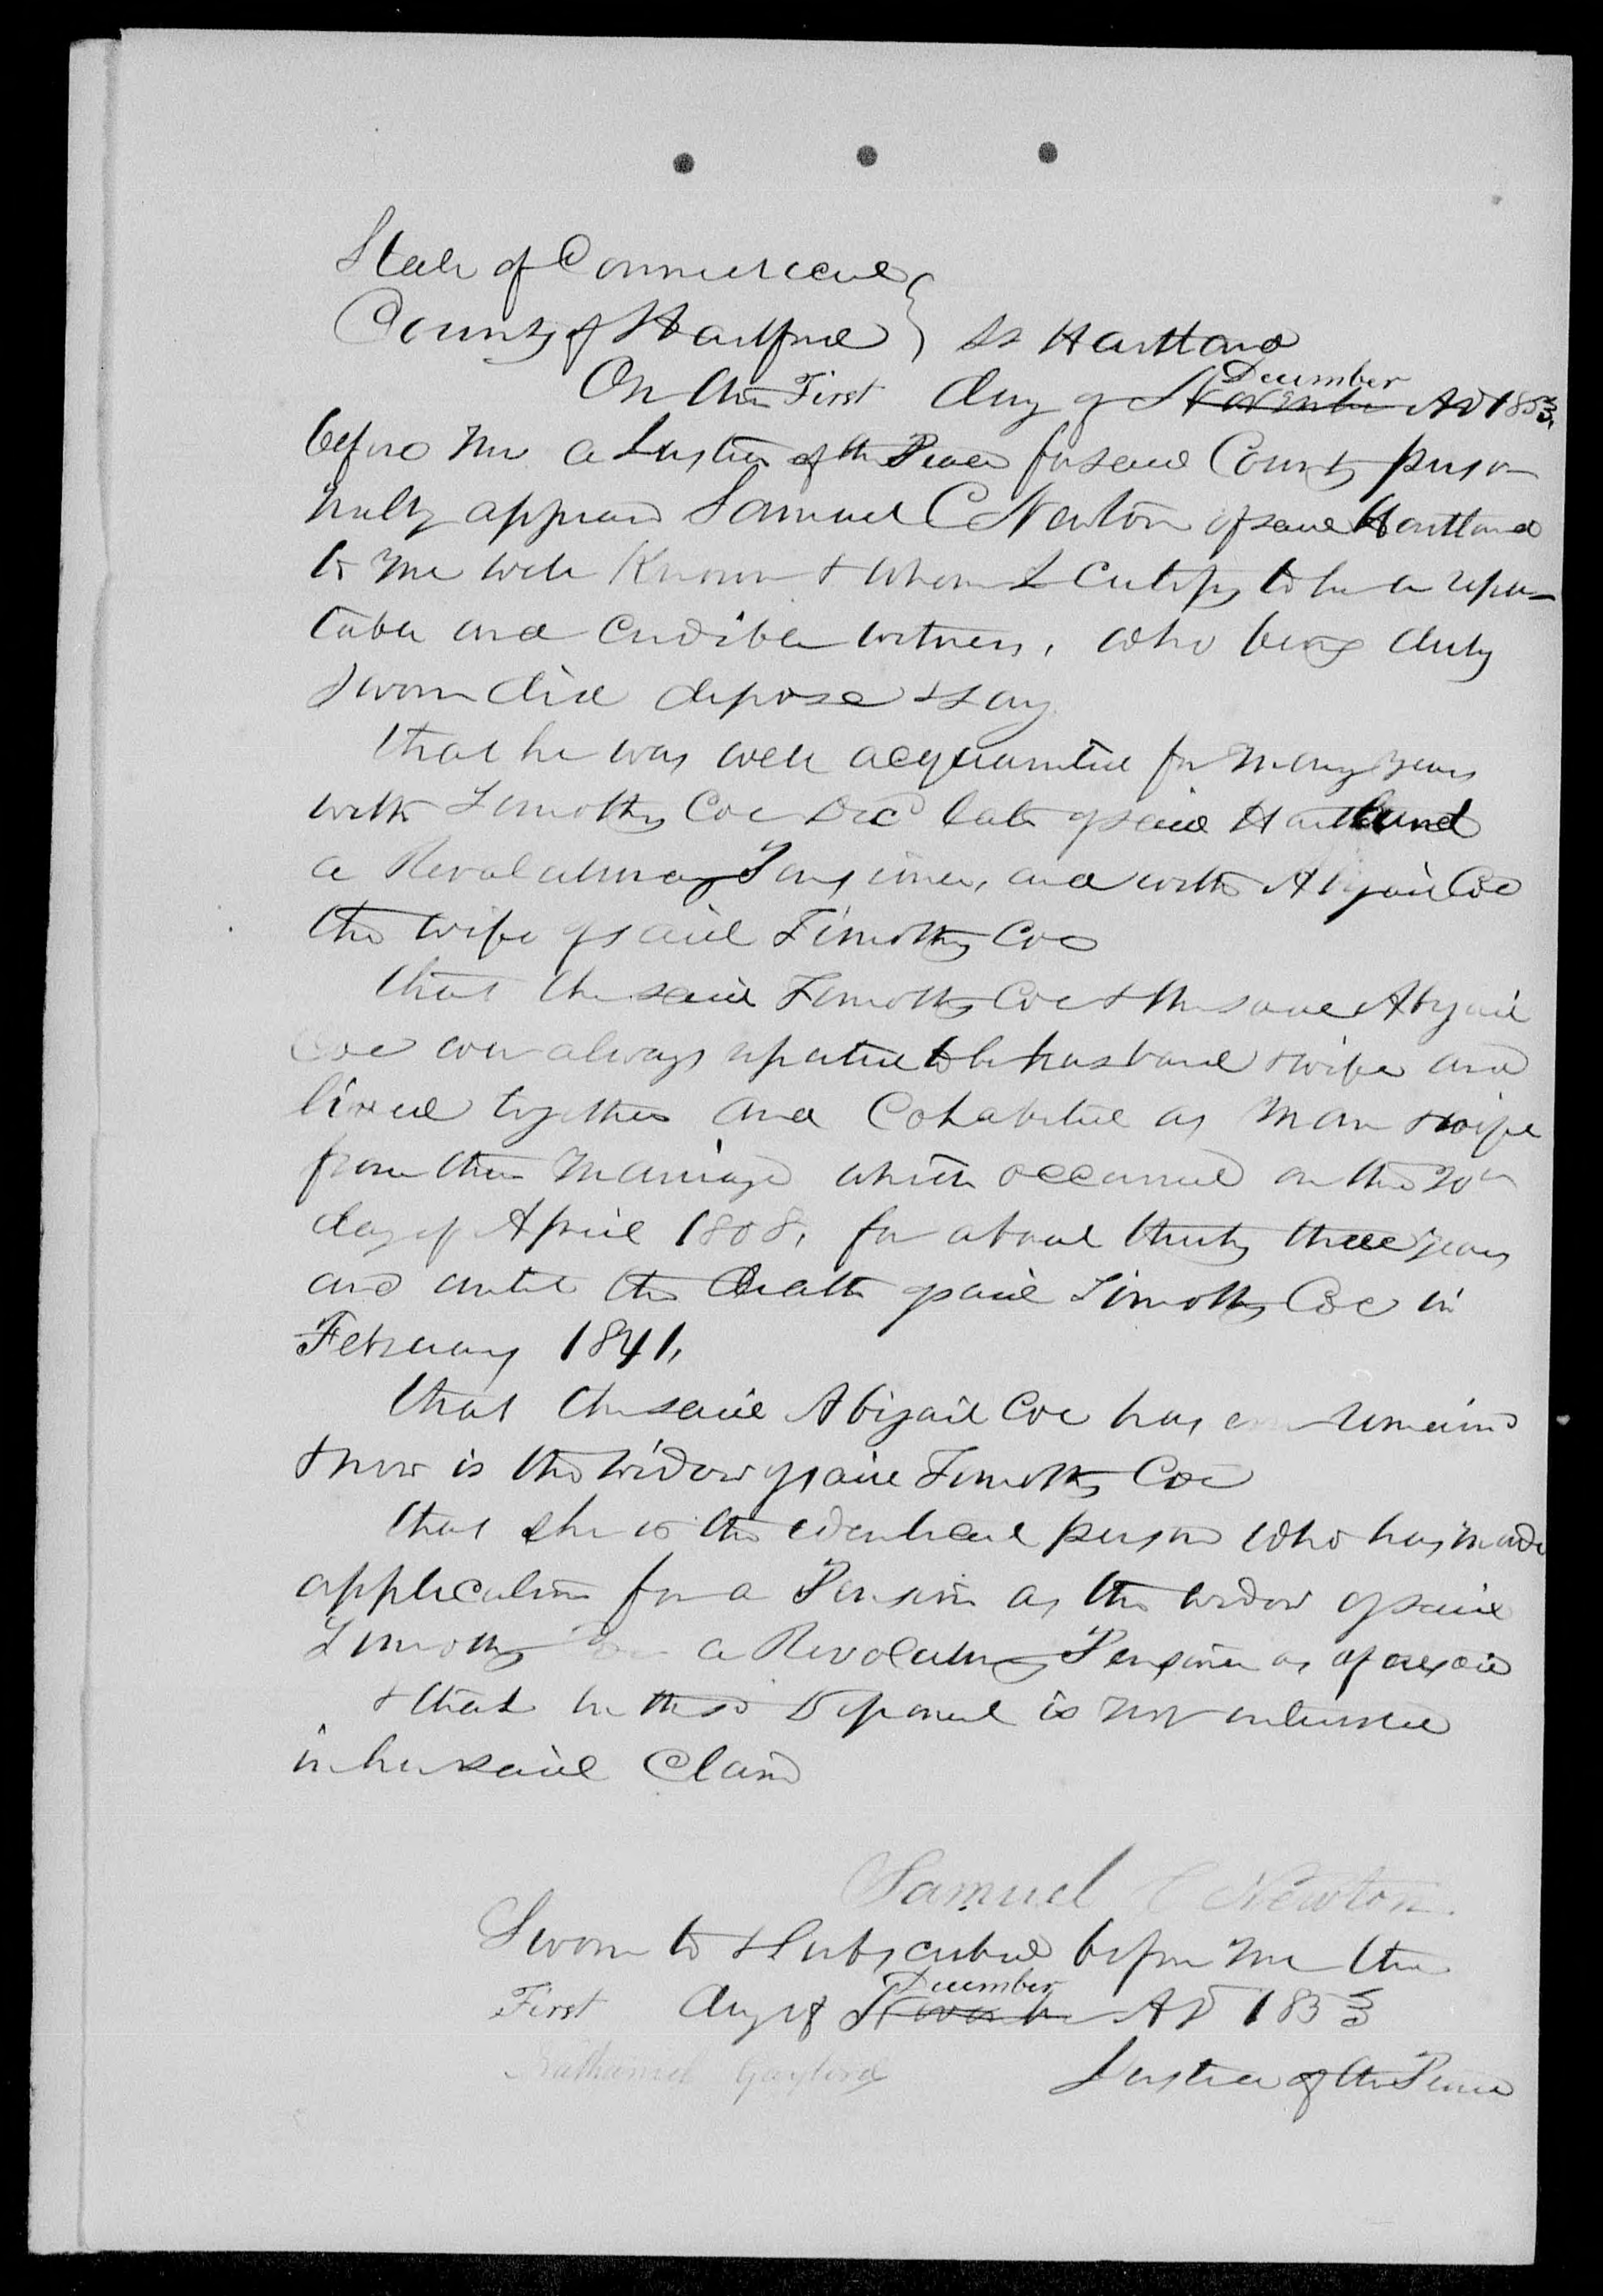State of Connecticut
County of Hartford} ss. Hartland
On this First day of December AD 1853, before me a Justice of the Peace for said Court, personally appeared Samuel C. Newton of said Hartland  to me well known & whom I certify to be a respectable and credible witness, who being duly sworn did depose & say 
that he was well acquainted for many years with Timothy Coe decd late of said Hartland a Revolutionary Pensioner and with Abigail Coe the wife of said Timothy Coe
that the said Timothy Coe & the said Abigail Coe were always reputed to be husband & wife and lived together and cohabitated as man & wife from their marriage which occurred on the 20th day of April 1808, for about thirty three years and until the death of said Timothy Coe in February 1841
that the said Abigail Coe has ever remained & was is the widow of said Timothy Coe
that she s the identical person who has made application for a pension as the widow of said Timothy Coe a Revolutionary pensioner as aforesaid
& that the said Deponent is not interested in her said claim.
Samuel C Newton

Sworn to & subscribed before me the first day of December AD 1853,
Nathaniel Gaylord Justice of the Peace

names: Timothy Coe, Samuel C Newton, Timothy Coe, Abigail Coe, Timothy Coe, Samuel C Newton, Timothy Coe, Abigail Coe, Abigail Coe, Timothy Coe, Nathaniel Gaylord, Timothy Coe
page: 61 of 76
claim: widow's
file: W. 5,250, Timothy Coe, Conn.